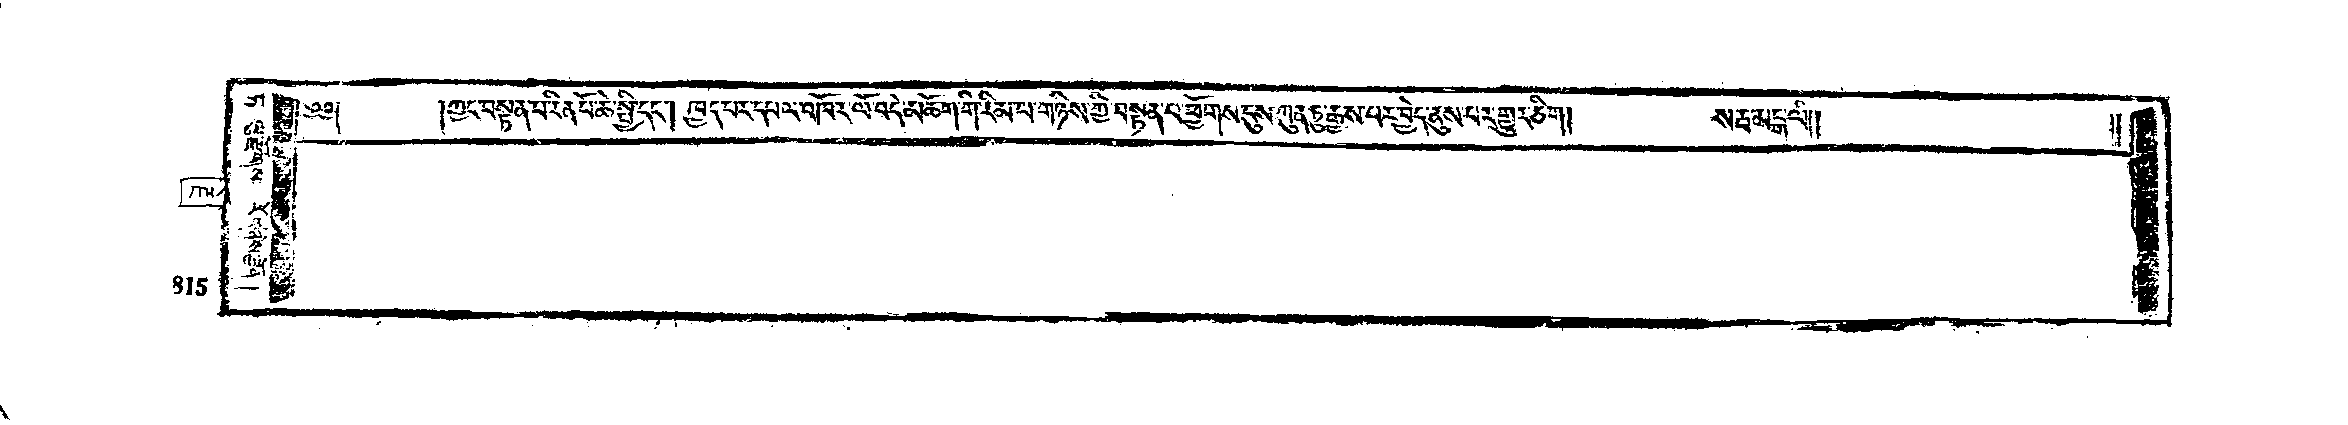༄༅། །ཀྱང་བསྟན་པ་རིན་པོ་ཆེ་སྤྱི་དང་། ཁྱད་པར་དཔལ་འཁོར་ལོ་བདེ་མཆོག་གི་རིམ་པ་གཉིས་ཀྱི་བསྟན་པ་ཕྱོགས་དུས་ཀུན་སྟུ་རྒྱས་པར་བྱེད་ནུས་པར་གྱུར་ཅིག །སརྦ་མངྒ་ལཾ།། །།